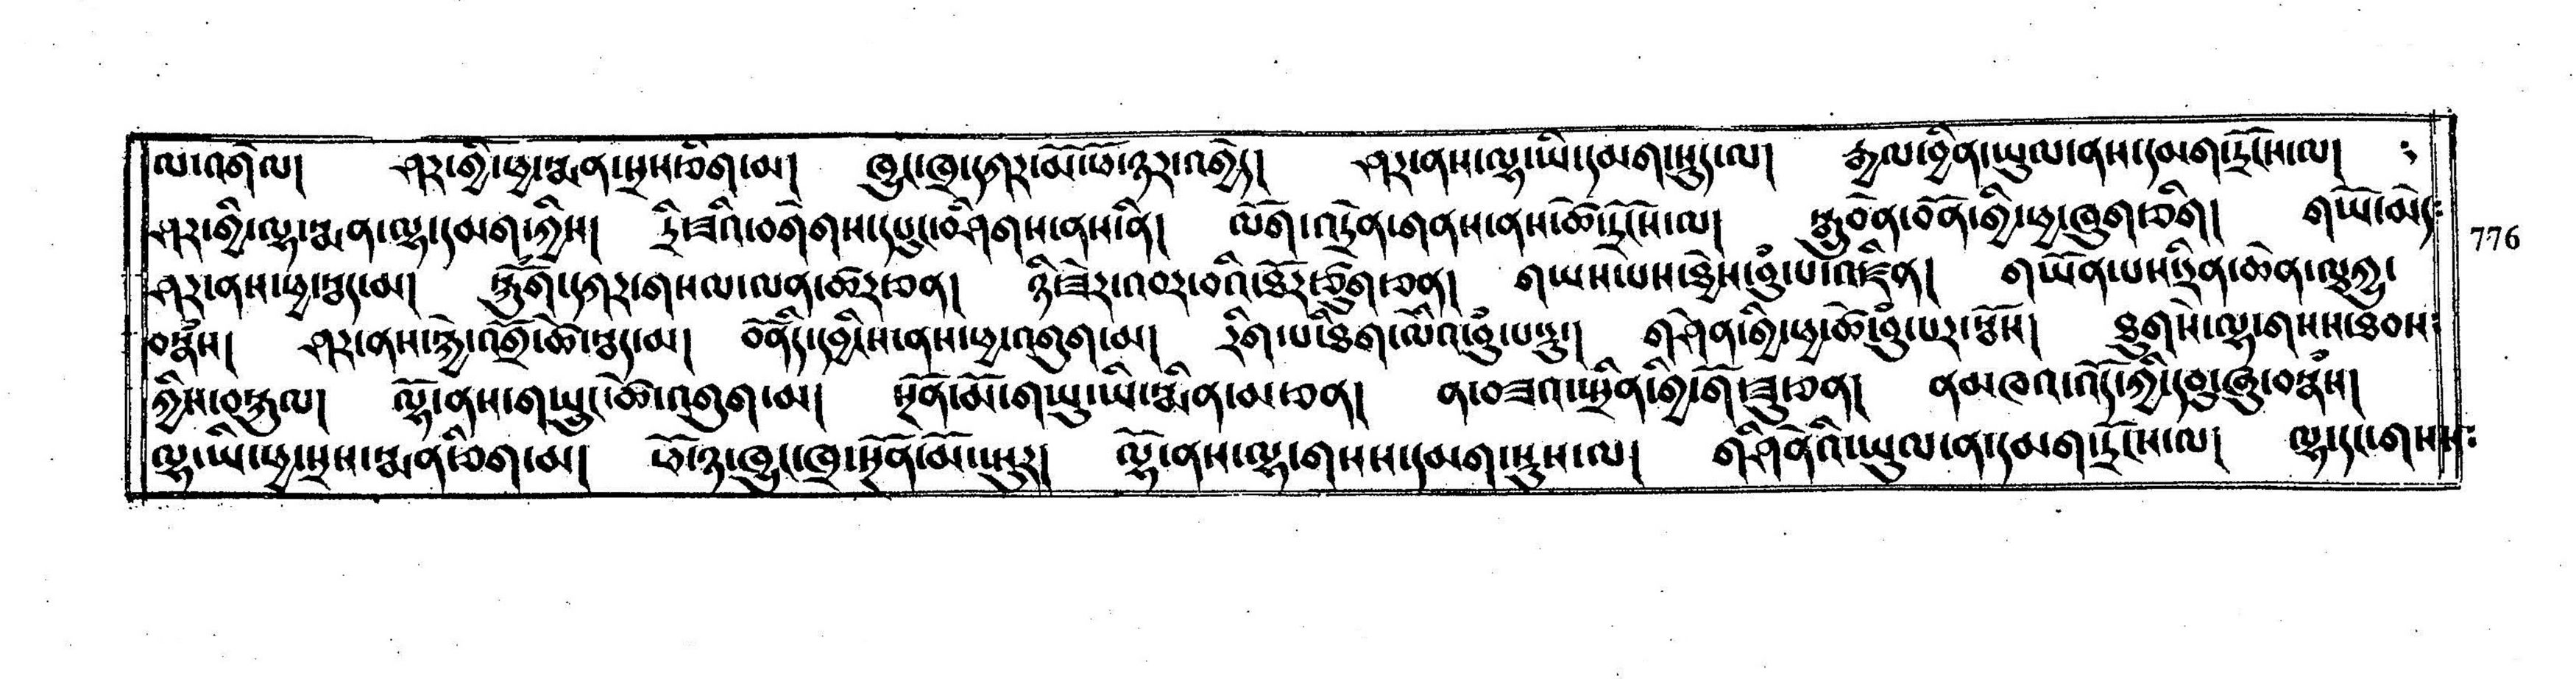ལ་འགེལ། ཤར་གྱི་ཕྱ་སྨན་སྲས་ཅིག་མ། ཁྱུང་ཁྲ་དཀར་མོ་ཕོ་ཉར་འགྱེད། ཤར་ནས་ལྷ་ཡི་དམག་སྡུད་ལ། རྒྱལ་བྱིན་ཡུལ་ནས་དམག་དྲོངས་ལ། 
ཤར་གྱི་ལྷ་སྨན་ལྷ་དམག་ཀྱིས། དྲི་ཟའི་བགེགས་དཔུང་བཤིགས་ནས་ནི། ལོག་འདྲེན་གནས་ནས་ཚེ་དྲོངས་ལ། སྒྲུབ་གཤེན་བོན་གྱི་ཕྱ་ཁུག་ཅིག གཡོ་མེད་
ཤར་ནས་ཕྱ་སྦད་མ། སྐུ་མདོག་དཀར་གསལ་ལན་ཚར་ཅན། ཉི་ཟེར་འབར་བའི་ཐོར་ཙུག་ཅན། གཡས་པས་ཐུགས་རྗེ་བུམ་པ་འཛིན། གཡོན་པས་རིན་ཆེན་ལྕག་ཀྱུ་
བསྣམས། ཤར་ནས་སྐྱེ་འགྲོ་ཚེ་སྦད་མ། བོན་ཉིད་དབྱིངས་ནས་ཕྱ་འགུག་མ། རིག་པ་ཐིག་ལེའི་བུམ་པ་རུ། གཤེན་གྱི་ཕྱ་ཚེ་བུམ་པར་སྦོས། ཐུགས་རྗེ་ལྷ་གསས་ཐབས་
ཀྱིས་བསྐུལ། ལྷོ་ནས་གཡུང་དྲུང་ཚེ་འགུག་མ། སྔོན་མོ་གཡུ་ཡི་སྨིན་མ་ཅན། ན་བཟའ་སྤྲིན་གྱི་གོ་ཟུ་ཅན། ནམ་མཁའ་འོད་ཀྱི་དབུ་ཞུ་བསྣམས། 
ལྷ་ཡི་ཕྱ་སྲས་སྨན་ཅིག་མ། ཕོ་ཉ་ཁྱུང་ཁྲ་སྔོན་མོ་སྤུར། ལྷོ་ནས་ལྷ་གསས་དམག་སྡུས་ལ། གཤིན་རྗེའི་ཡུལ་ན་དམག་དྲོངས་ལ། ལྷ་དང་གསས་